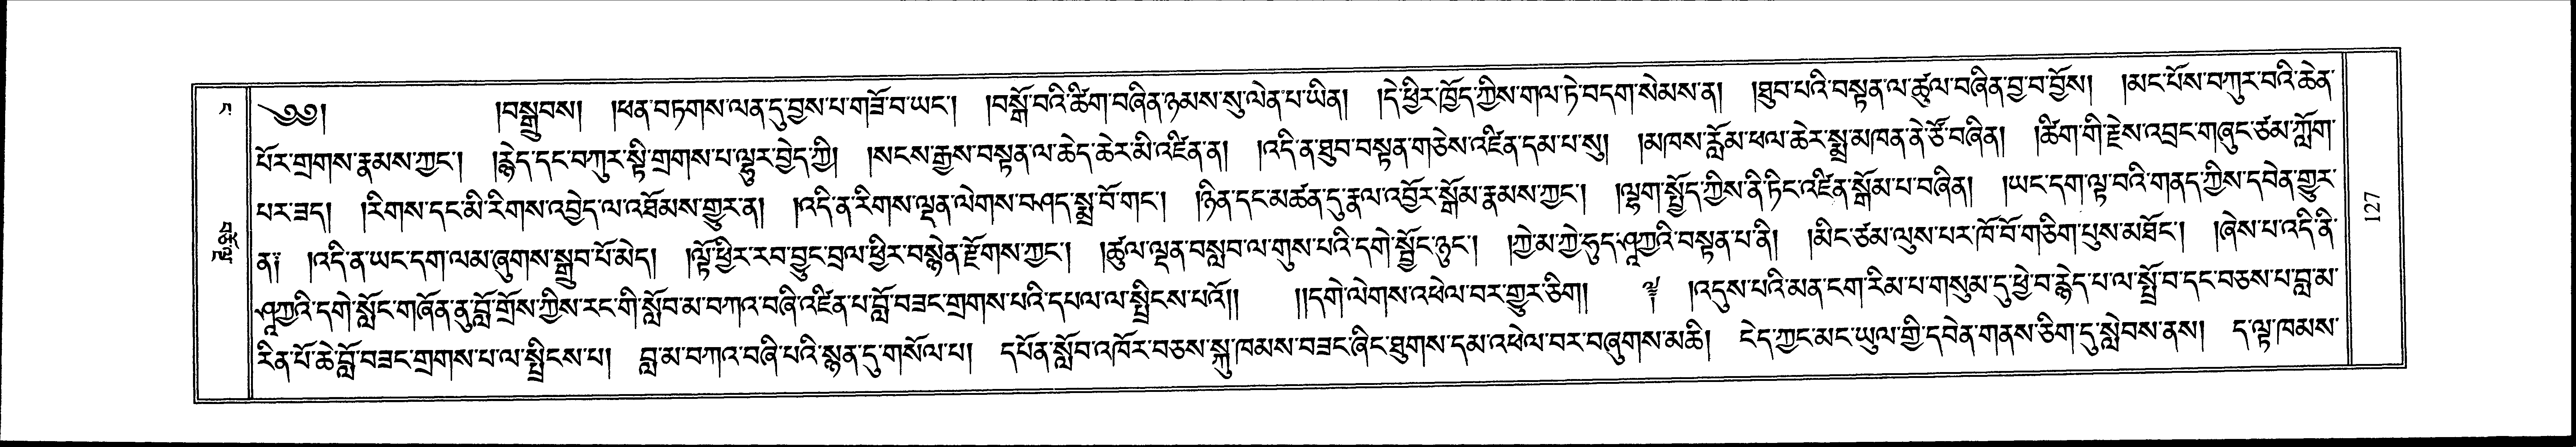༄༅། །བསྒྲུབས། །ཕན་བཏགས་ལན་དུ་བྱས་པ་གཟོ་བ་ཡང་། །བསྒོ་བའི་ཚིག་བཞིན་ཉམས་སུ་ལེན་པ་ཡིན། །དེ་ཕྱིར་ཁྱོད་ཀྱིས་གལ་ཏེ་བདག་སེམས་ན། །ཐུབ་པའི་བསྟན་ལ་ཚུལ་བཞིན་བྱ་བ་བྱོས། །མང་པོས་བཀུར་བའི་ཆེན་
པོར་གྲགས་རྣམས་ཀྱང་། །རྙེད་དང་བཀུར་སྟི་གྲགས་པ་ལྷུར་བྱེད་ཀྱི། །སངས་རྒྱས་བསྟན་ལ་ཆེད་ཆེར་མི་འཛིན་ན། །འདི་ན་ཐུབ་བསྟན་གཅེས་འཛིན་དམ་པ་སུ། །མཁས་རློམ་ཕལ་ཆེར་སྨྲ་མཁན་ནེ་ཙོ་བཞིན། །ཚིག་གི་རྗེས་འབྲང་གཞུང་ཙམ་ཀློག་
པར་ཟད། །རིགས་དང་མི་རིགས་འབྱེད་ལ་འཐོམས་གྱུར་ན། །འདི་ན་རིགས་ལྡན་ལེགས་བཤད་སྨྲ་བོ་གང་། །ཉིན་དང་མཚན་དུ་རྣལ་འབྱོར་སྒོམ་རྣམས་ཀྱང་། །ལྷག་སྤྱོད་ཀྱིས་ནི་ཏིང་འཛིན་སྒོམ་པ་བཞིན། །ཡང་དག་ལྟ་བའི་གནད་ཀྱིས་དབྱེན་གྱུར་
ན། །འདི་ན་ཡང་དག་ལམ་ཞུགས་སྒྲུབ་པོ་མེད། །ལྟོ་ཕྱིར་རབ་བྱུང་བྲལ་ཕྱིར་བསྙེན་རྫོགས་ཀྱང་། །ཚུལ་ལྡན་བསླབ་ལ་གུས་པའི་དགེ་སྦྱོང་ཉུང་། །ཀྱེ་མ་ཀྱེ་ཧུད་ཤཱཀྱའི་བསྟན་པ་ནི། །མིང་ཙམ་ལུས་པར་ཁོ་བོ་གཅིག་པུས་མཐོང་། །ཞེས་པ་འདི་ནི་
ཤཱཀྱའི་དགེ་སློང་གཞོན་ནུ་བློ་གྲོས་ཀྱིས་རང་གི་སློབ་མ་བཀའ་བཞི་འཛིན་པ་བློ་བཟང་གྲགས་པའི་དཔལ་ལ་སྤྲིངས་པའོ།། །།དགེ་ལེགས་འཕེལ་བར་གྱུར་ཅིག། ༈ །འདུས་པའི་མན་ངག་རིམ་པ་གསུམ་དུ་ཕྱེ་བ་རྙེད་པ་ལ་སྤྲོ་བ་དང་བཅས་པ་བླ་མ་
རིན་པོ་ཆེ་བློ་བཟང་གྲགས་པ་ལ་སྤྲིངས་པ། བླ་མ་བཀའ་བཞི་པའི་སྙན་དུ་གསོལ་པ། དཔོན་སློབ་འཁོར་བཅས་སྐུ་ཁམས་བཟང་ཞིང་ཐུགས་དམ་འཕེལ་བར་བཞུགས་མཆི། ངེད་ཀྱང་མང་ཡུལ་གྱི་དབེན་གནས་ཅིག་དུ་སླེབས་ནས། ད་ལྟ་ཁམས་